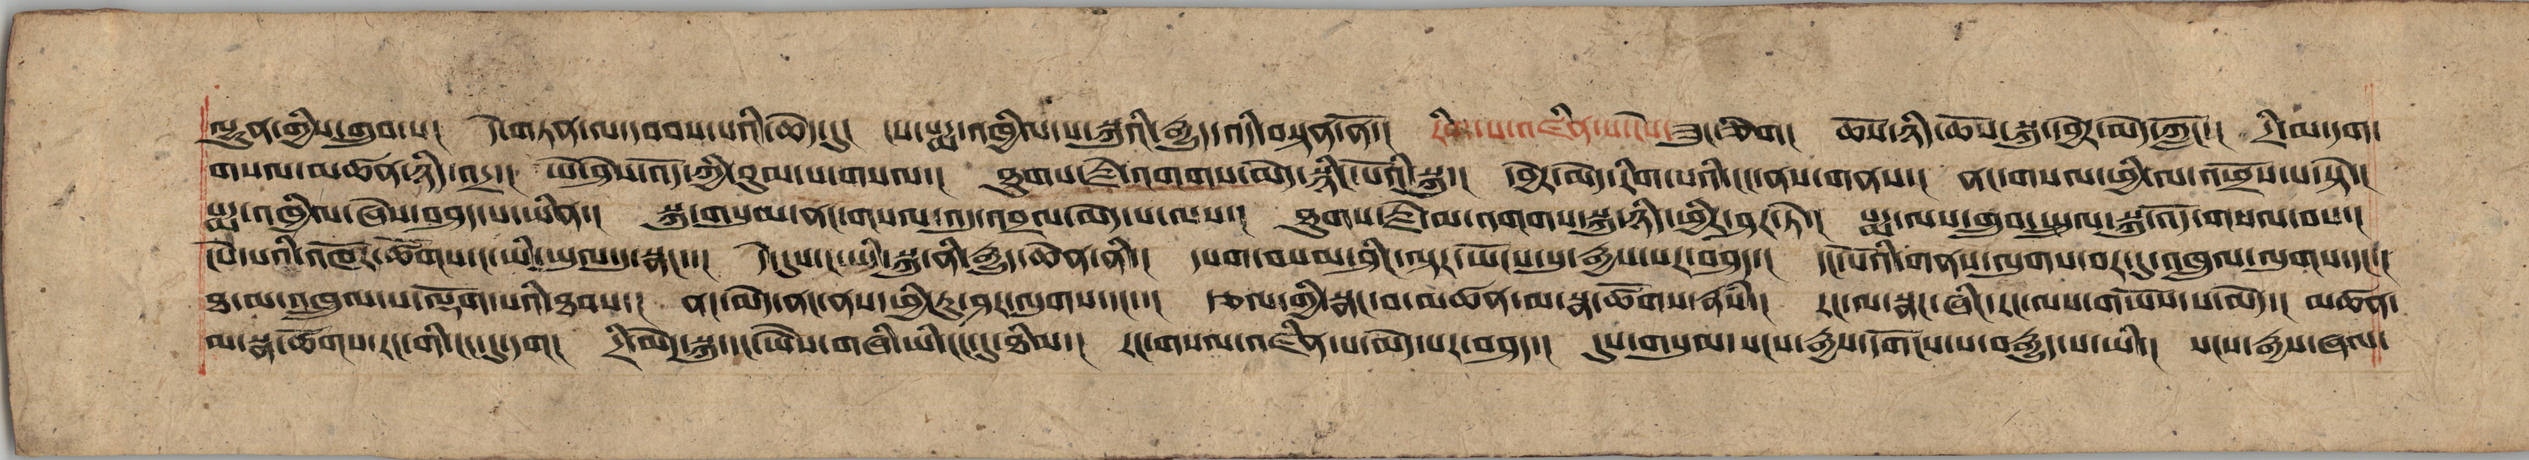ལྷུན་གྱིས་གྲུབ་པ། དེ་གཏན་ལ་དབབས་པའི་ཆེད་དུ། ངས་པདྨ་འཁྱིལ་ས་སྐུའི་རྒྱུད་འདི་བསྟན་ནོ་། རིག་པ་འཛིན་པ་ངེས་ཟུང་ཅིག། ཆོས་ཉིད་ཆོས་སྐུ་དབྱེར་མེད་ཀློང་། དྲི་མ་དག་
གསལ་མཚན་ཉིད་འདྲ་། ཡེ་ཤེས་འོད་ཀྱི་བུམ་པ་གསལ་། ཐུགས་རྗེ་འགགས་མེད་སྙིང་པོའི་སྐུ་། དབྱེར་མེད་རིག་པའི་ངང་ནས་གནས་། ནང་གསལ་ཕྱི་ལ་འཕྲོས་པ་སྟེ་།
པདྨ་འཁྱིལ་ཞེས་བཤད་པ་ཡིན་། སྐུ་གསུམ་ནང་གསལ་འདུ་འབྲལ་མེད་པ་ལས་། ཐུགས་རྗེ་མ་འགགས་སྐུ་ཉིད་ཕྱིར་ཤར་ཏེ་། པདྨ་ལས་གྲུབ་སྤྲུལ་སྐུ་འོད་གསལ་བས་།
ངེས་པའི་འཁོར་ཚོགས་ང་ཡི་ཡུལ་དུ་སྣང་་། དེ་དུས་ང་ཡི་སྐུ་ནི་རྒྱུད་ཆེན་ནི་། དཔག་བསམ་ཤིང་ལྟར་ཡོངས་སུ་རྒྱས་པར་བཤད་། དང་པོའི་གནས་ལུགས་བར་དུ་འཁྲུལ་ལུགས་དང་།
ཐ་མ་འཁྲུལ་པ་ལྡོག་པའི་ཐབས་། ནང་མེད་ནང་ནས་ཕྱི་རུ་ཤར་ལུགས་དང་་། རྩལ་གྱི་སྣང་བ་མཚན་མ་སྣ་ཚོགས་རྣཾས་། རང་ལ་སྣང་ཞིང་རང་ལས་གཡོས་པ་མེད་། མཚན་
ལ་སྣ་ཚོགས་རང་གི་ངང་དུ་དག། དྲི་མེད་སྐུ་དང་ཡཻས་གཞི་ཡི་ངང་དུ་ཐིམ་། རང་གསལ་འཛིན་པ་མེད་པར་བཤད་། དུས་གསུམ་སངས་རྒྱས་དགོངས་པ་བརྒྱུད་པ་ཡི་། སངས་རྒྱས་ཞལ་